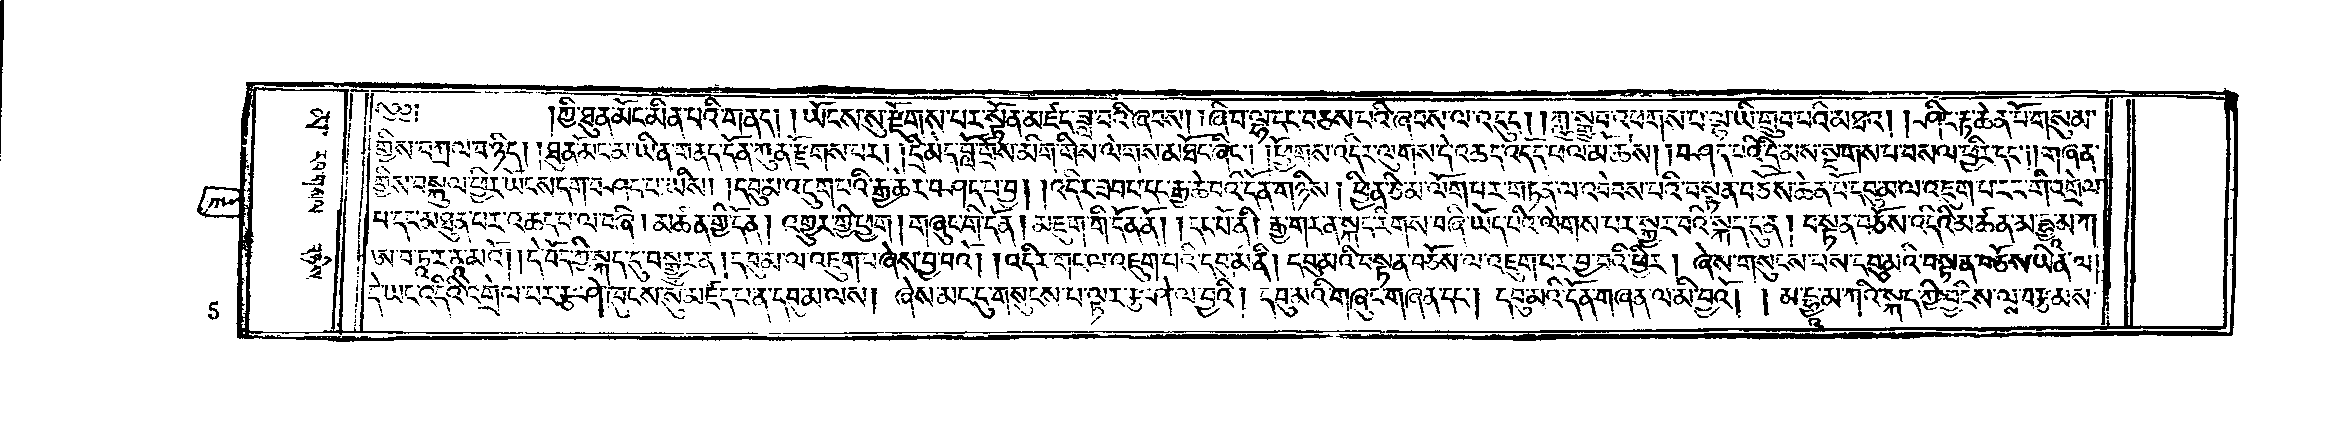༄༅། །ཀྱི་ཐུན་མོང་མིན་པའི་གནད། །ཡོངས་སུ་རྫོགས་པར་སྟོན་མཛད་ཟླ་བའི་ཞབས། །ཞི་བ་ལྷ་དང་བཅས་པའི་ཞབས་ལ་འདུད། །ཀླུ་སྒྲུབ་འཕགས་པ་ལྷ་ཡི་གྲུབ་པའི་མཐའ། །ཤིང་རྟ་ཆེན་པོ་གསུམ་
གྱིས་བཀྲལ་བ་ཉིད། །ཐུན་མོང་མ་ཡིན་གནད་དོན་ཀུན་རྫོགས་པར། །དྲི་མེད་བློ་གྲོས་མིག་གིས་ལེགས་མཐོང་ཞིང་། །ཕྱོགས་འདིར་ལུགས་དེ་འཆད་འདོད་ཕལ་མོ་ཆེས། །བཤད་པའི་དྲི་མས་སྦགས་པ་བསལ་ཕྱིར་དང་། །གཞན་
ཀྱིས་བསྐུལ་ཕྱིར་ཡོངས་དག་བཤད་པ་ཡིས། །དབུ་མ་འཇུག་པའི་རྒྱ་ཆེར་བཤད་པ་བྱ། །འདིར་ཟབ་པ་དང་རྒྱ་ཆེ་པའི་དོན་གཉིས། ཕྱིན་ཅི་མ་ལོག་པར་གཏན་ལ་འབེབས་པའི་བསྟན་བཅོས་ཆེན་པོ་དབུ་མ་ལ་འཇུག་པ་རང་གི་འགྲེལ་
པ་དང་མཐུན་པར་འཆད་པ་ལ་བཞི། མཚན་གྱི་དོན། འགྱུར་གྱི་ཕྱག །གཞུང་གི་དོན། མཇུག་གི་དོན་ནོ། །དང་པོ་ནི། རྒྱ་གར་ན་སྐད་རིགས་བཞི་ཡོད་པའི་ལེགས་པར་སྦྱར་བའི་སྐད་དུ་ན། བསྟན་བཅོས་འདིའི་མཚན་མ་དྷྱཱ་མ་ཀ་
ཨ་བ་ཏཱ་ར་ནཱ་མའོ། །དེ་བོད་ཀྱི་སྐད་དུ་བསྒྱུར་ན། དབུ་མ་ལ་འཇུག་པ་ཞེས་བྱ་བའོ། །འདིར་གང་ལ་འཇུག་པའི་དབུ་མ་ནི། དབུ་མའི་བསྟན་བཅོས་ལ་འཇུག་པར་བྱ་བའི་ཕྱིར། ཞེས་གསུངས་པས་དབུ་མའི་བསྟན་བཅོས་ཡིན་ལ།
དེ་ཡང་འདིའི་འགྲེལ་པར་རྩ་ཤེ་ཁུངས་སུ་མཛད་པ་ན་དབུ་མ་ལས། ཞེས་མང་དུ་གསུངས་པ་ལྟར་རྩ་ཤེ་ལ་བྱའི། དབུ་མའི་གཞུང་གཞན་དང་། དབུ་མའི་དོན་གཞན་ལ་མི་བྱའོ། །མ་དྷྱཱ་མ་ཀའི་སྐད་ཀྱི་བྱིངས་ལས་བརྩམས་